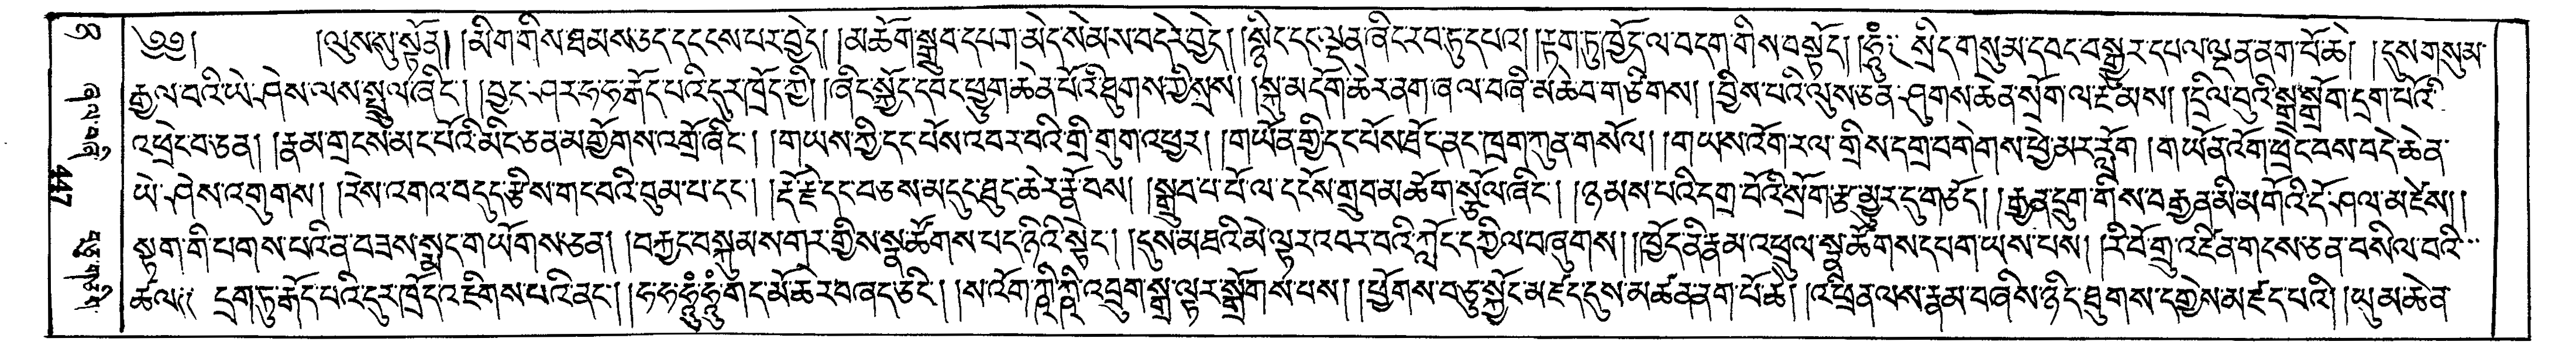༄༅། །ལུས་སུ་སྟོན། །མིག་གིས་ཐམས་ཅད་དང་ངས་པར་བྱེད། །མཆོག་སྒྲུབ་དཔག་མེད་སེམས་བདེར་བྱེད། །སྙིང་དང་ལྡན་ཞིང་རབ་ཏུ་དཔའ། །རྟག་ཏུ་ཁྱོད་ལ་བདག་གིས་བསྟོད། །ཧཱུཾ༑ སྲིད་གསུམ་དབང་བསྒྱུར་དཔལ་ལྡན་ནག་པོ་ཆེ། །དུས་གསུཾ་
རྒྱལ་བའི་ཡེ་ཤེས་ལས་སྦྲུལ་ཞིང་། །བྱང་ཤར་ཧ་ཧ་རྒོད་པའི་དུར་ཁྲོད་ཀྱི། །ཞིང་སྐྱོང་དབང་ཕྱུག་ཆེན་པོའི་ཐུགས་ཀྱི་སྲས། །སྐུ་མདོག་ཆེར་ནག་ཞལ་བཞི་མཆེ་བ་གཙིགས། །བྱིས་པའི་ལུས་ཅན་ཤུགས་ཆེན་སྲོག་ལ་རྔམས། །དྲིལ་བུའི་སྒྲ་སྒྲོག་དྲག་པོའི་
འཕྲེང་བ་ཅན། །རྣམ་གྲངས་མང་པོའི་མིང་ཅན་མགྱོགས་འགྲོ་ཞིང་། །གཡས་ཀྱི་དང་པོས་འབར་བའི་གྲི་གུག་འཕྱར། །གཡོན་གྱི་དང་པོས་ཐོད་ནང་ཁྲག་ཀུན་གསོལ། །གཡས་འོག་རལ་གྲིས་དགྲ་བགེགས་ཕྱེ་མར་རློག །གཡོན་འོག་ཕྲེང་བས་བདེ་ཆེན་
ཡེ་ཤེས་འགུགས། །རེས་འགའ་བདུད་རྩིས་གང་བའི་བུམ་པ་དང་། །རྡོ་རྗེ་དང་བཅས་མདུང་ཐུང་ཆེར་རྣོ་བས། །སྒྲུབ་པ་པོ་ལ་དངོས་གྲུབ་མཆོག་སྩོལ་ཞིང་། །ཉམས་པའི་དགྲ་བོའི་སྲོག་རྩ་མྱུར་དུ་གཅོད། །རྒྱན་དྲུག་གིས་བརྒྱན་མི་མགོའི་དོ་ཤལ་མཛེས།།
སྟག་གི་བགས་པའི་ན་བཟས་སྨད་གཡོགས་ཅན། །བརྐྱང་བསྐུམས་གར་གྱིས་སྣ་ཚོགས་པར་ཉིའི་སྟེང་། །དུས་མཐའི་མེ་ལྟར་འབར་བའི་ཀློང་དཀྱིལ་བཞུགས། །ཁྱོད་ནི་རྣམ་འཕྲུལ་སྣ་ཚོགས་དཔག་ཡས་པས། །རི་བོ་གྲུ་འཛིན་གངས་ཅན་བསིལ་བའི་
ཚལ༑༑ དྲག་ཏུ་རྒོད་པའི་དུར་ཁྲོད་འཇིགས་པའི་ནང་། །ཧ་ཧ་ཧཱུཾ་ཧཱུཾ་གད་མོ་ཆེར་བཞད་ཅིང་། །ས་འོག་ཀྵིཾ་ཀྵིཾ་འབྲུག་སྒྲ་ལྟར་སྒྲོགས་པས། །ཕྱོགས་བཅུ་སྐྱོང་མཛད་དུས་མཚན་ནག་པོ་ཆེ། །འཕྲན་ལས་རྣམ་བཞིས་ཉིད་ཐུགས་དགྱེས་མཛད་པའི། །ཡུམ་ཆེན་